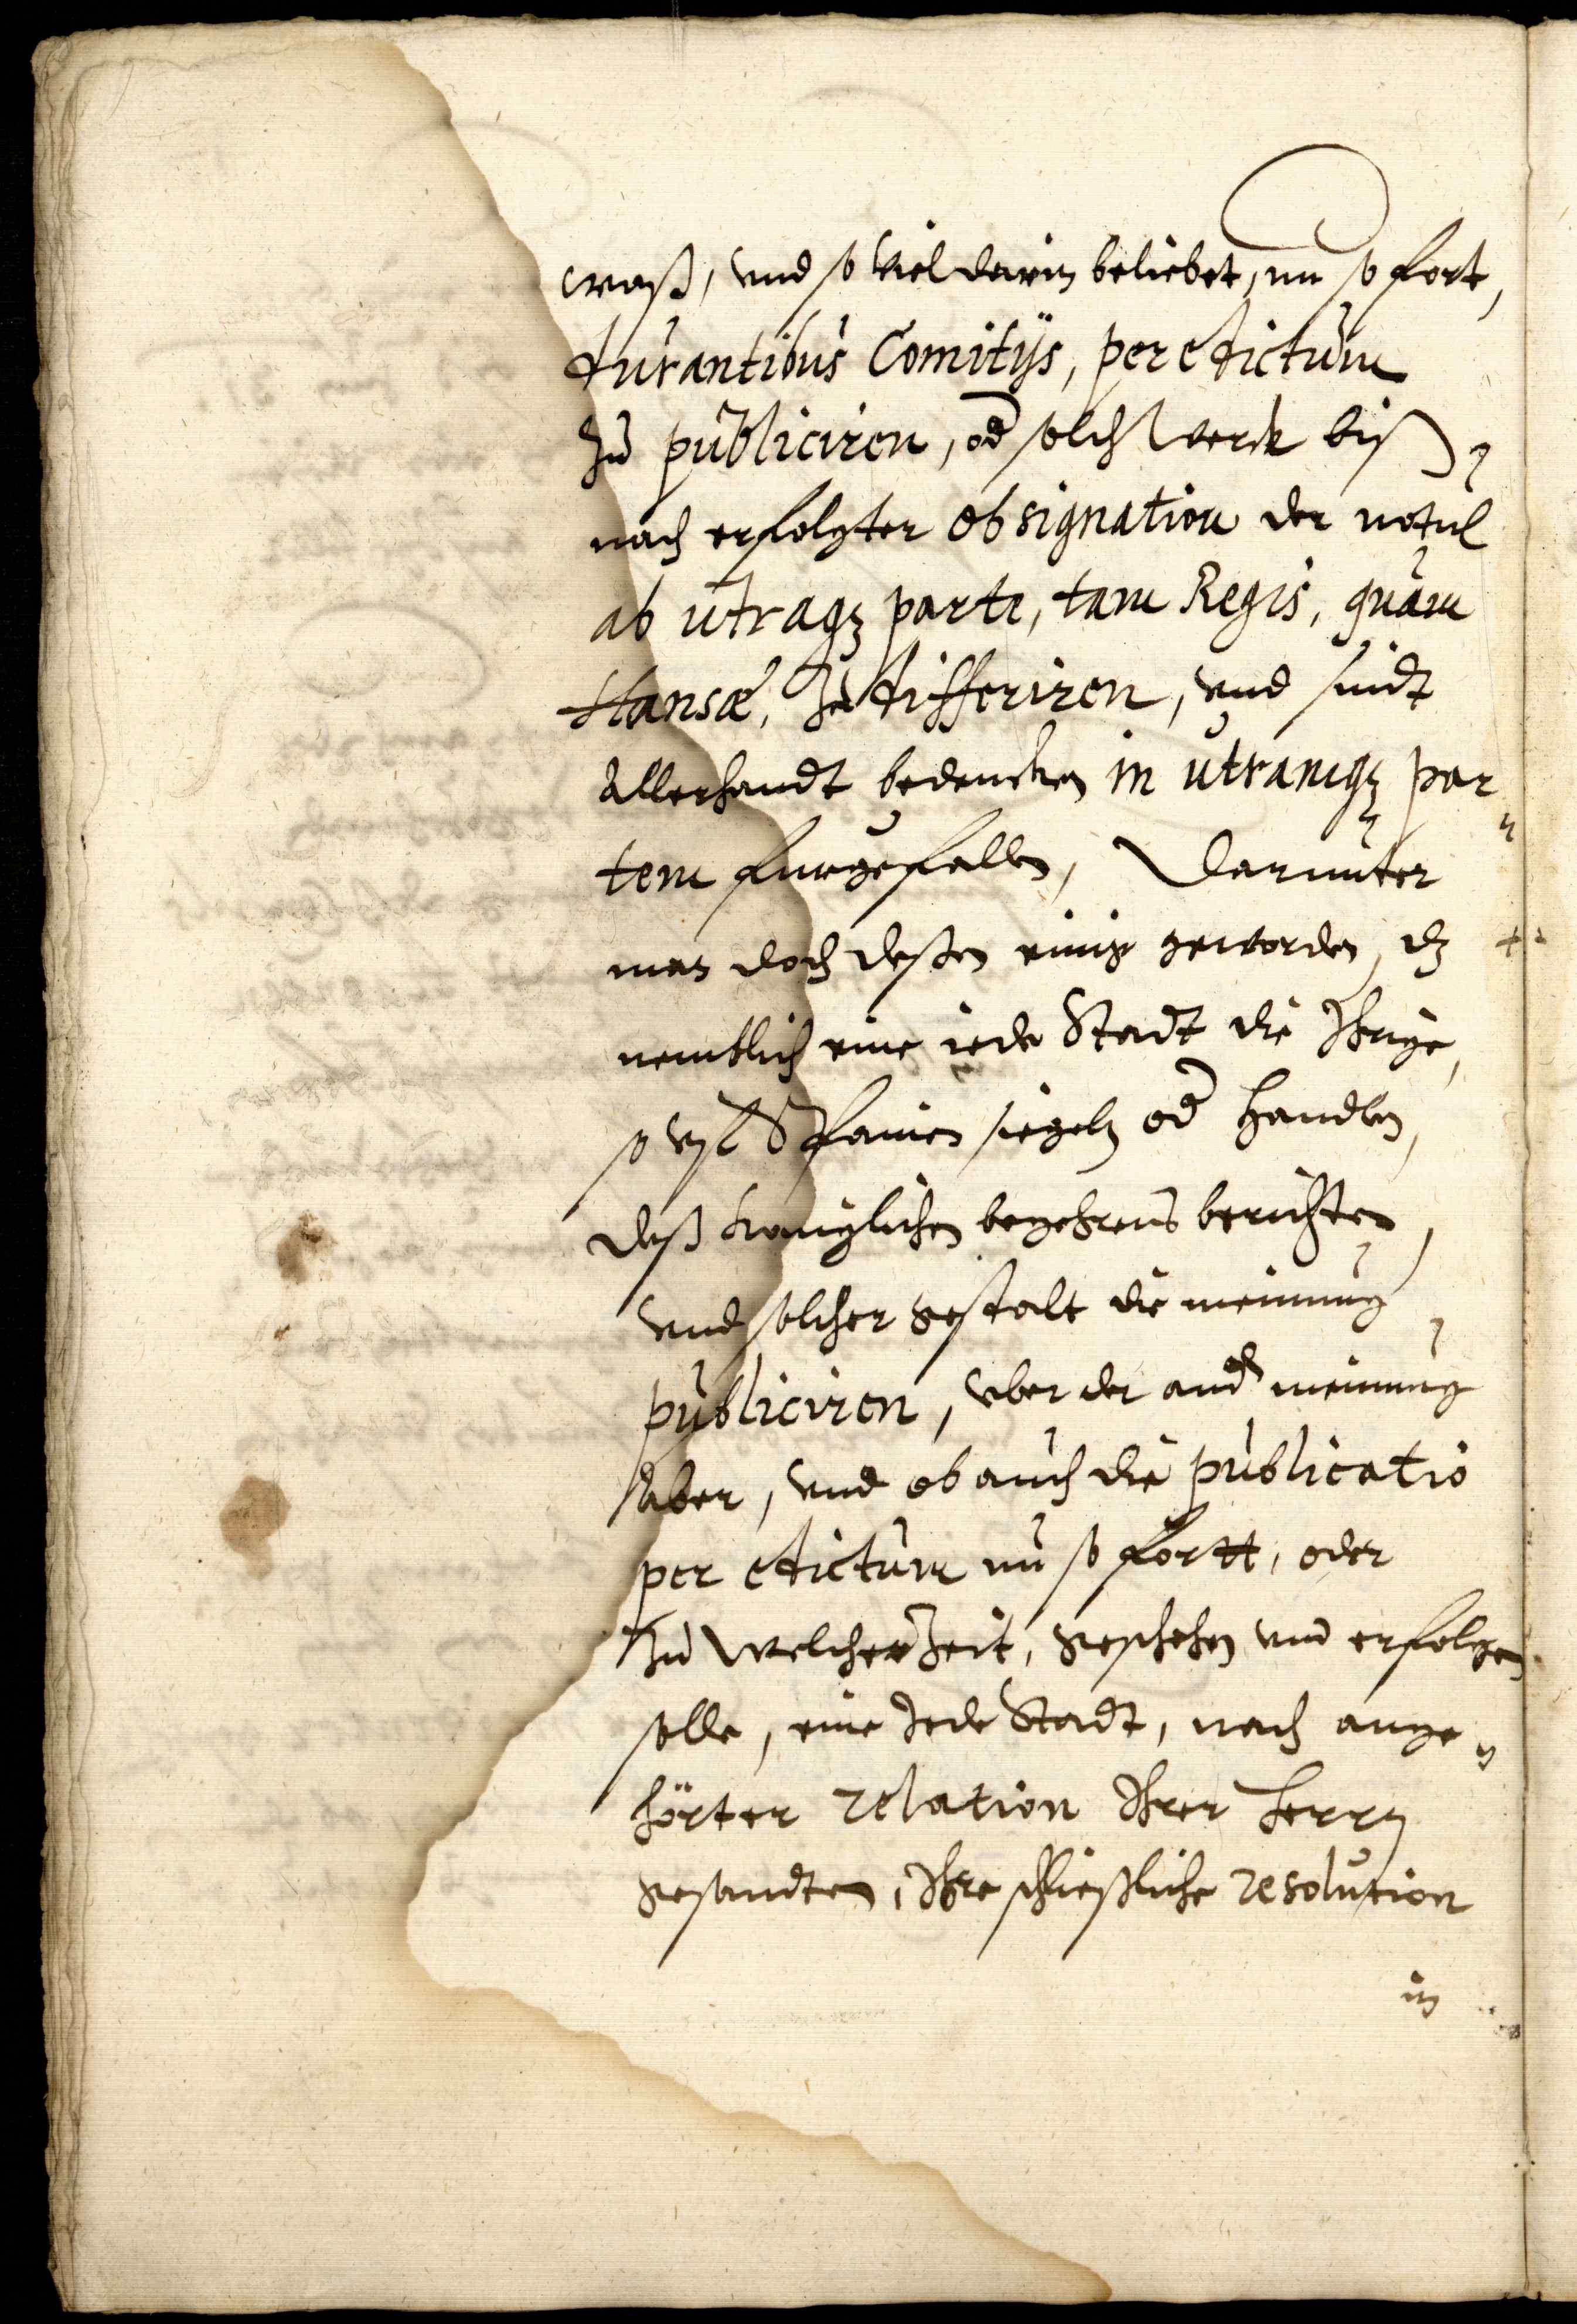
waß, vnd so wol darin beliebet, un so fort,
durantibus comitijs, peretictum
zu publiciren, oder solch Werk biß
nach erfolgter obsignation der notul
ab utragen parte, tam Regis, quam
Hansae, zu differiren, vnd sindt
allerhandt bedenken in utranegen par¬
tem furgefallen, darunter
man doch deßen einig geworden, das
nemblich eine iede Stadt die ihrige.
so vf Spanien siegeln oder Handlen,
deß koniglichen begehrens berichten,
vnd solcher gestalt die meinung
publiciren, vber die ander meinung
aber,vnd ob auch die publicatio
per dictum un so fortt, oder
zu welcher Zeit, geschehen vnd erfolgen
solle, eine jede Stadt, nach ange¬
hörter relation Ihrer herrn
gesandten, Ihre schließliche resolution
in
